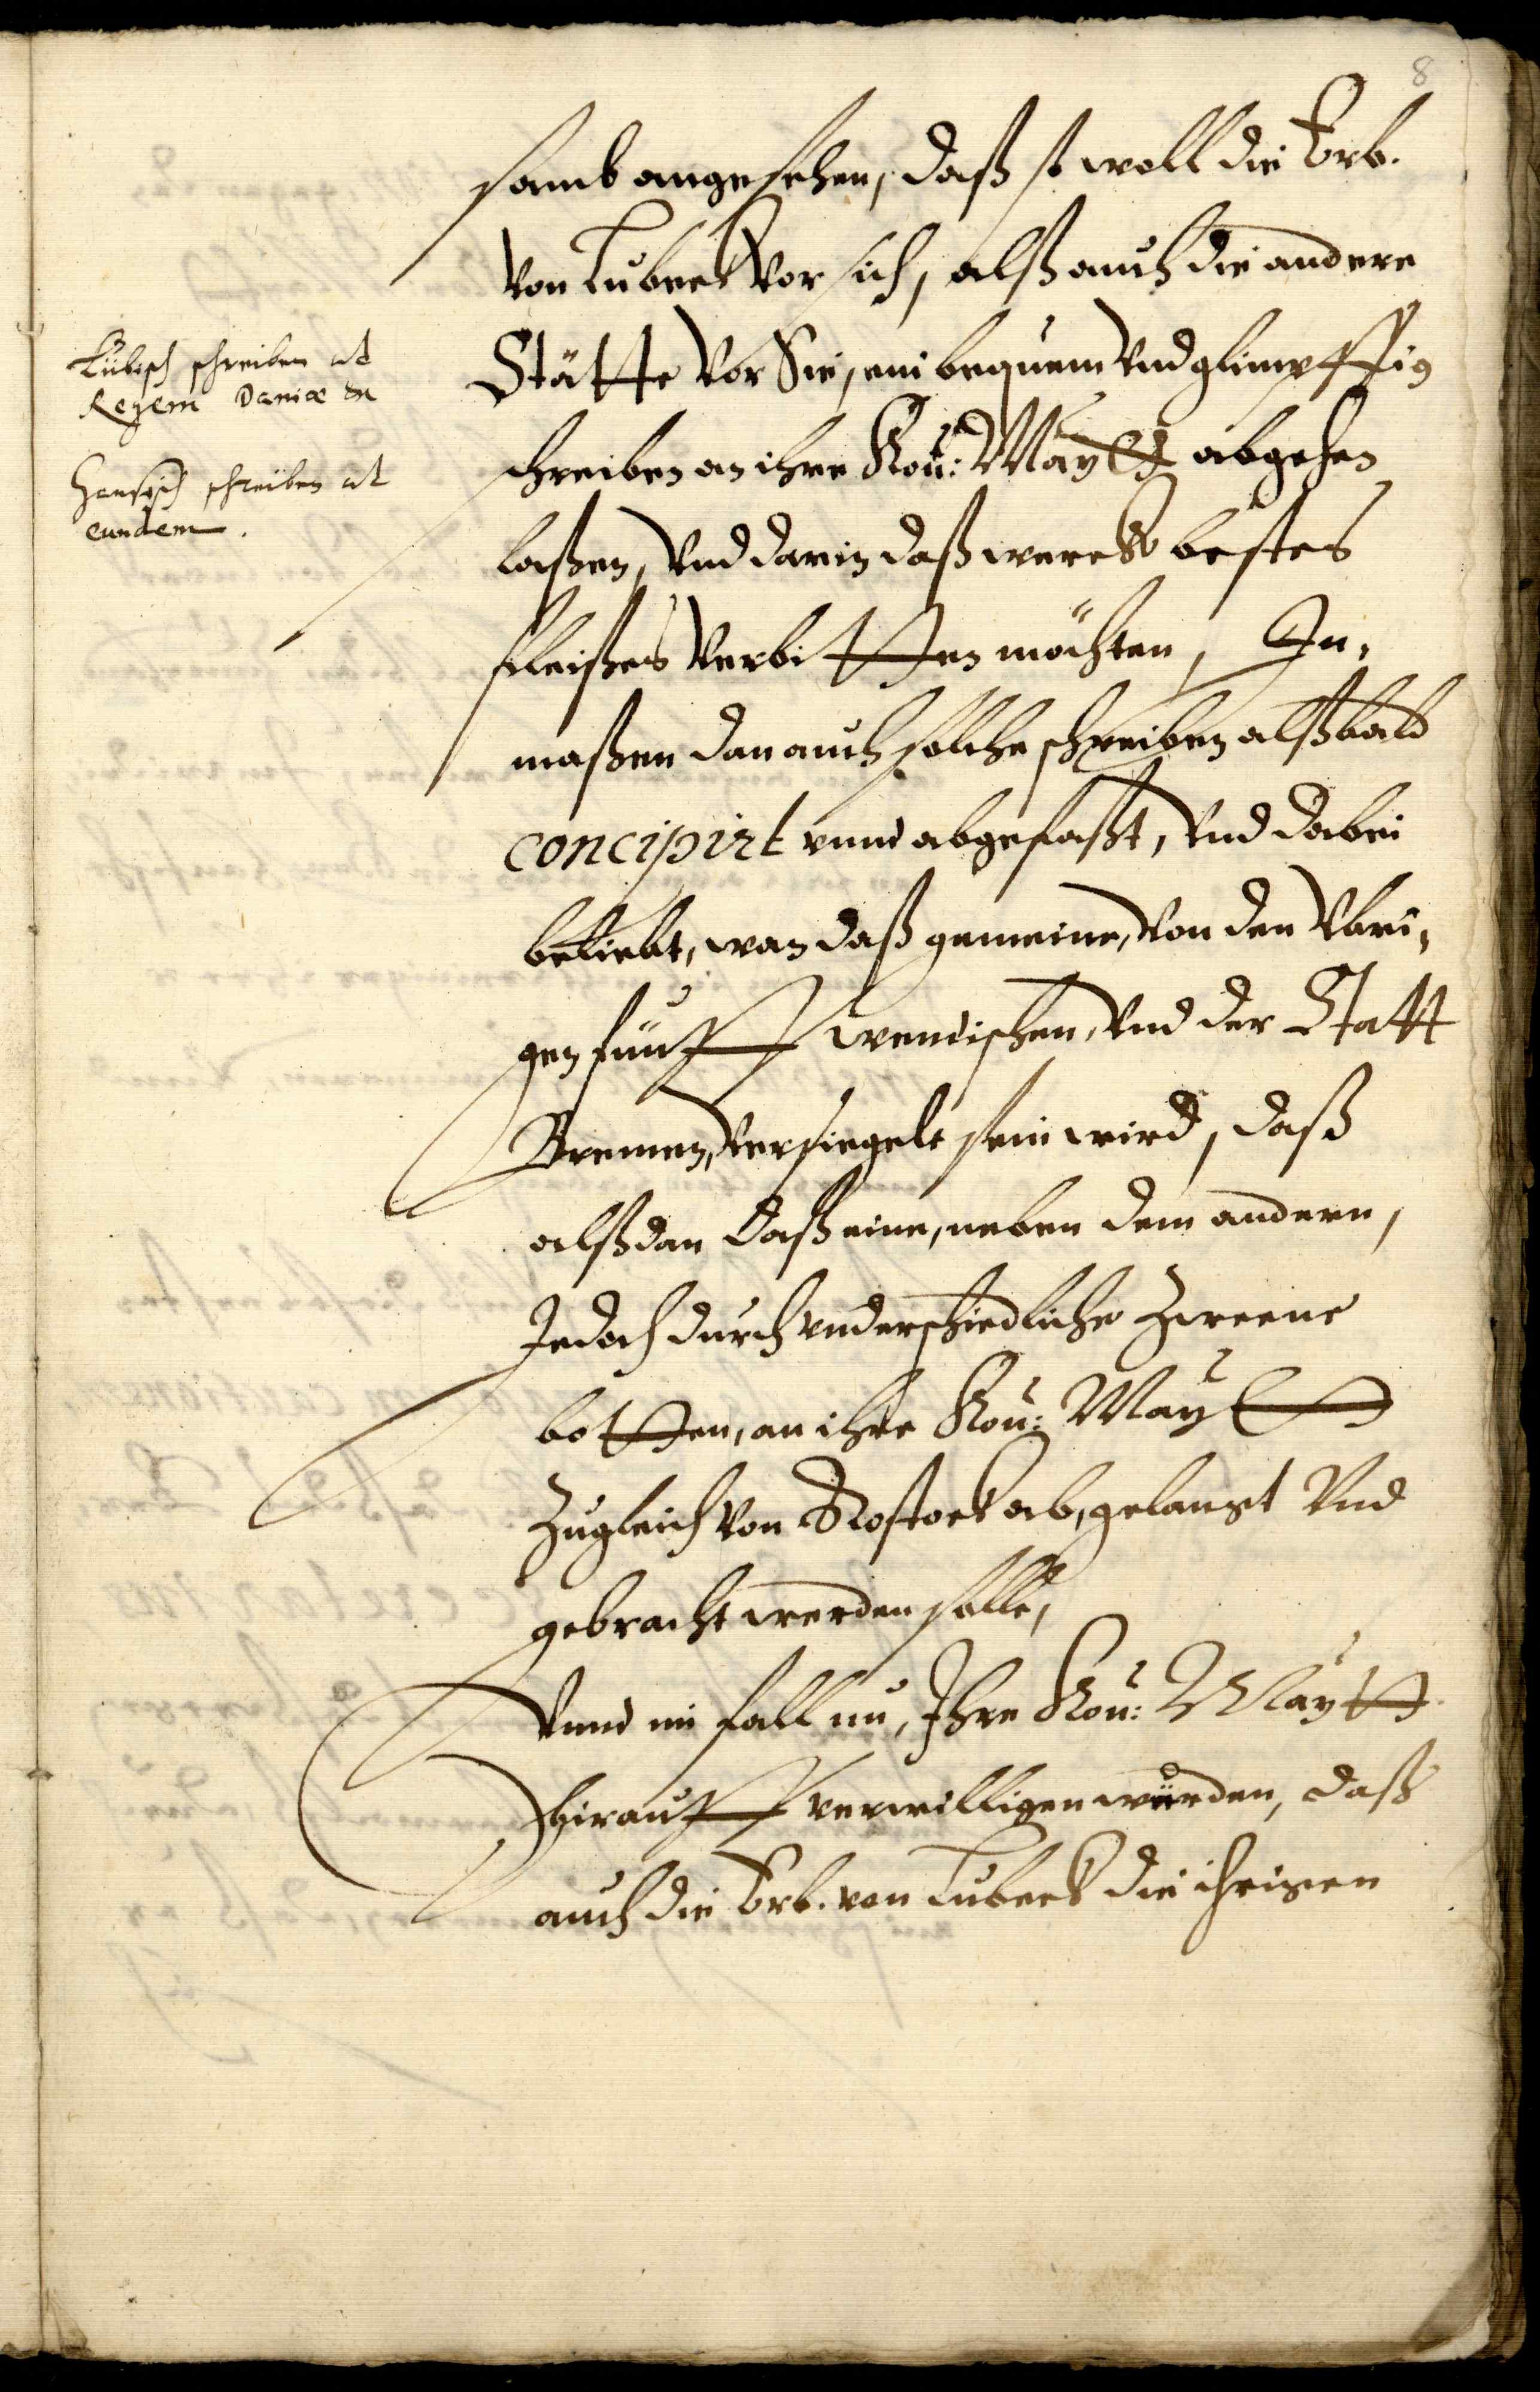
samb angesehen, daß so woll die Erb.
Von Lubeck Vor sich, alß auch die andere
Stätte Vor Sie, ein bequem Vnd glimpffig,
schreiben an ihre Kon: Maytt abgehen
laßen, Vnd darin daß werck bestes
fleißes Verbitten möchten, Jn¬
maßen dan auch solche schreiben alßbald
concipirt vnnd abgefaßt, Vnd dabei
beliebt, wan daß gemeine, Von den Vbri¬
gen fünff wendischen, Vnd der Statt
Bremen, Versiegelt sein wird, daß
alßdan daß eine, neben dem anderen,
Jedoch durch Vnderschiedliche Zweene
botten, an ihrer Kon: Maytt
zugleich Von Rostock ab, gelangt Vnd
gebracht werden solle,
Lübisch schreiben ad
Regem Daniae &c
Hansisch schreiben ad
eundem.
Vnnd im fall nu, Ihre Kon: Maytt
hirauff verwilligen würden, daß
auch die Erb. von Lubeck die ihrigen
